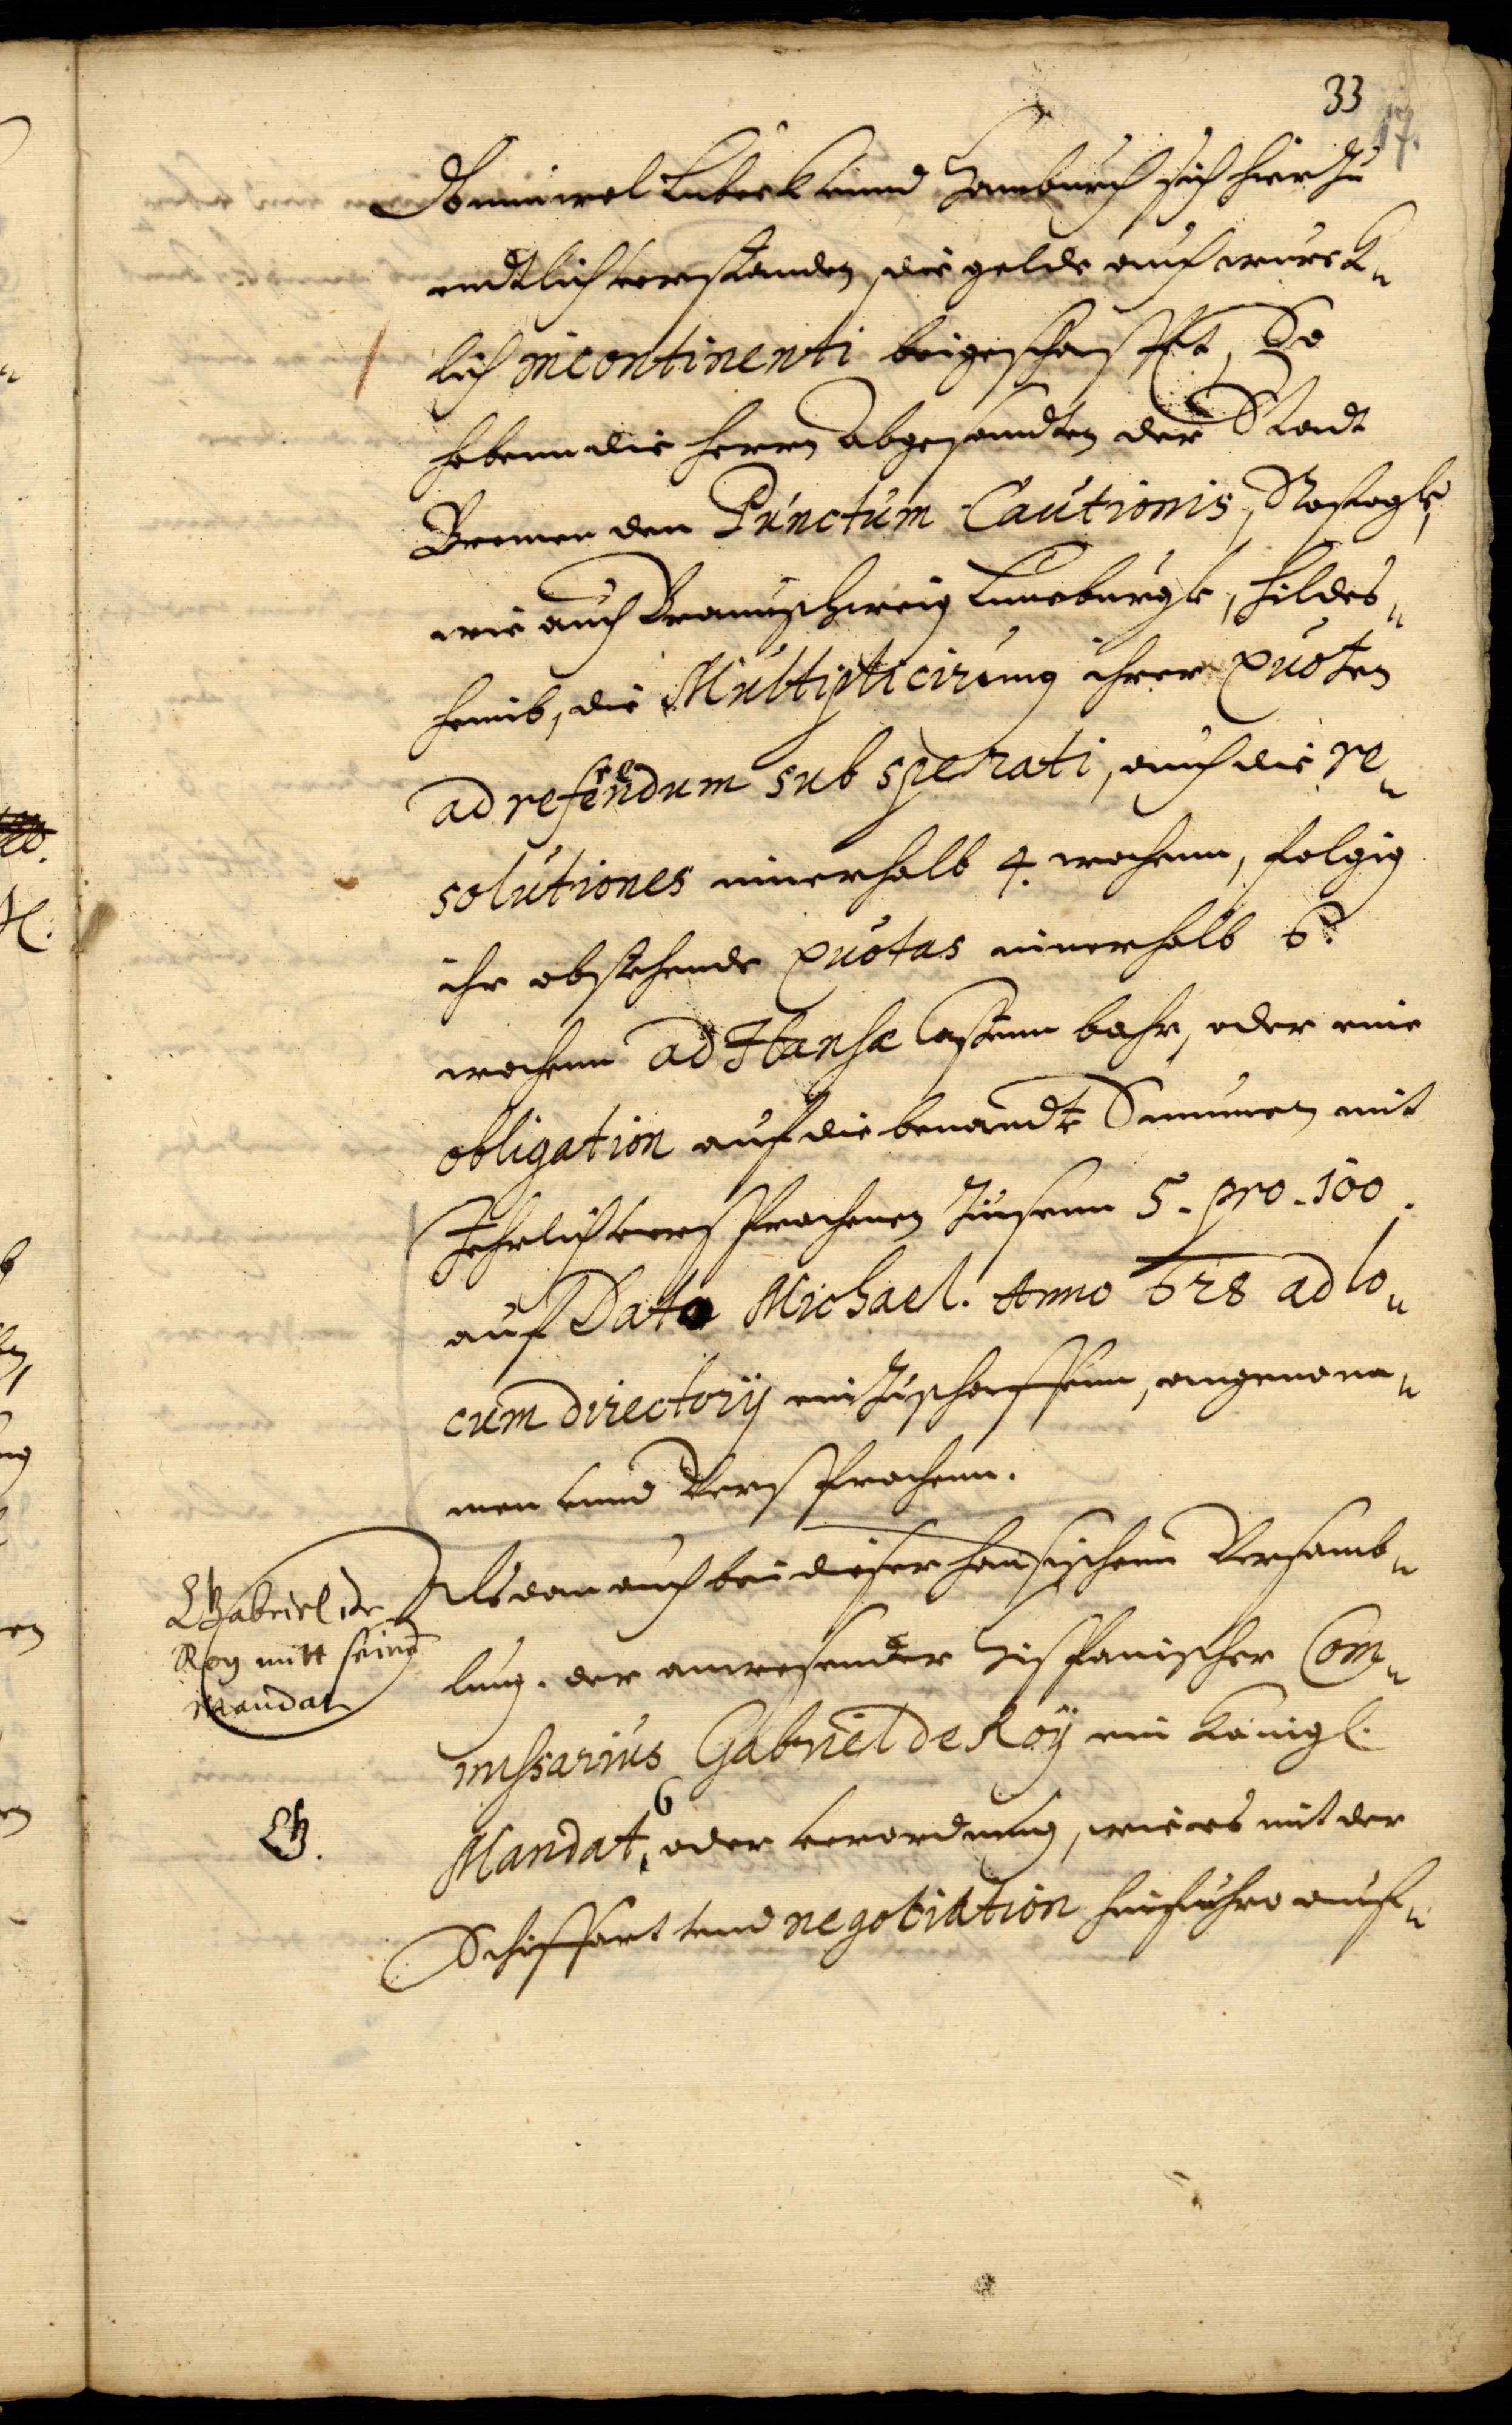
33
So nun wol Lubeck vnnd Hamburch sich hierzu
endtlich vorstanden, die gelde auf wurck¬
lich incontinenti beigeschafft, So
haben die herrn Abgesanndten der Stadt
Bremen den Punctum Cautionis, Rostogk,
wie auch Braunschweig Luneburgk, Hildes¬
heimb, die Multiplicirung ihrer Quoten
ad referendum sub sperati, auch die re¬
solutiones innerhalb 4. wochenn, folgig
ihr obstehende quotas innerhalb 6.
wochenn ad Hansae Castenn bahr, oder eine
obligation auf die benandte Summen mit
Jehrlich versprochenen Zinsenn 5. pro 100.
auf Dato Michael. Anno 1628 ad lo¬
cum directorij einzuschaffenn, angenom¬
men vnnd Versprochenn.
Gabriel de
Roy mitt seinen
Mandatn
G
Als dan auch bei dieser hansischenn Versamb¬
lung. der anwesender Hispanischer Com¬
missarius Gabriel de Roij ein konigl.
Mandat, oder verordnung, wie es mit der
Schiffart vnnd negotiation hinfuhro auf¬
